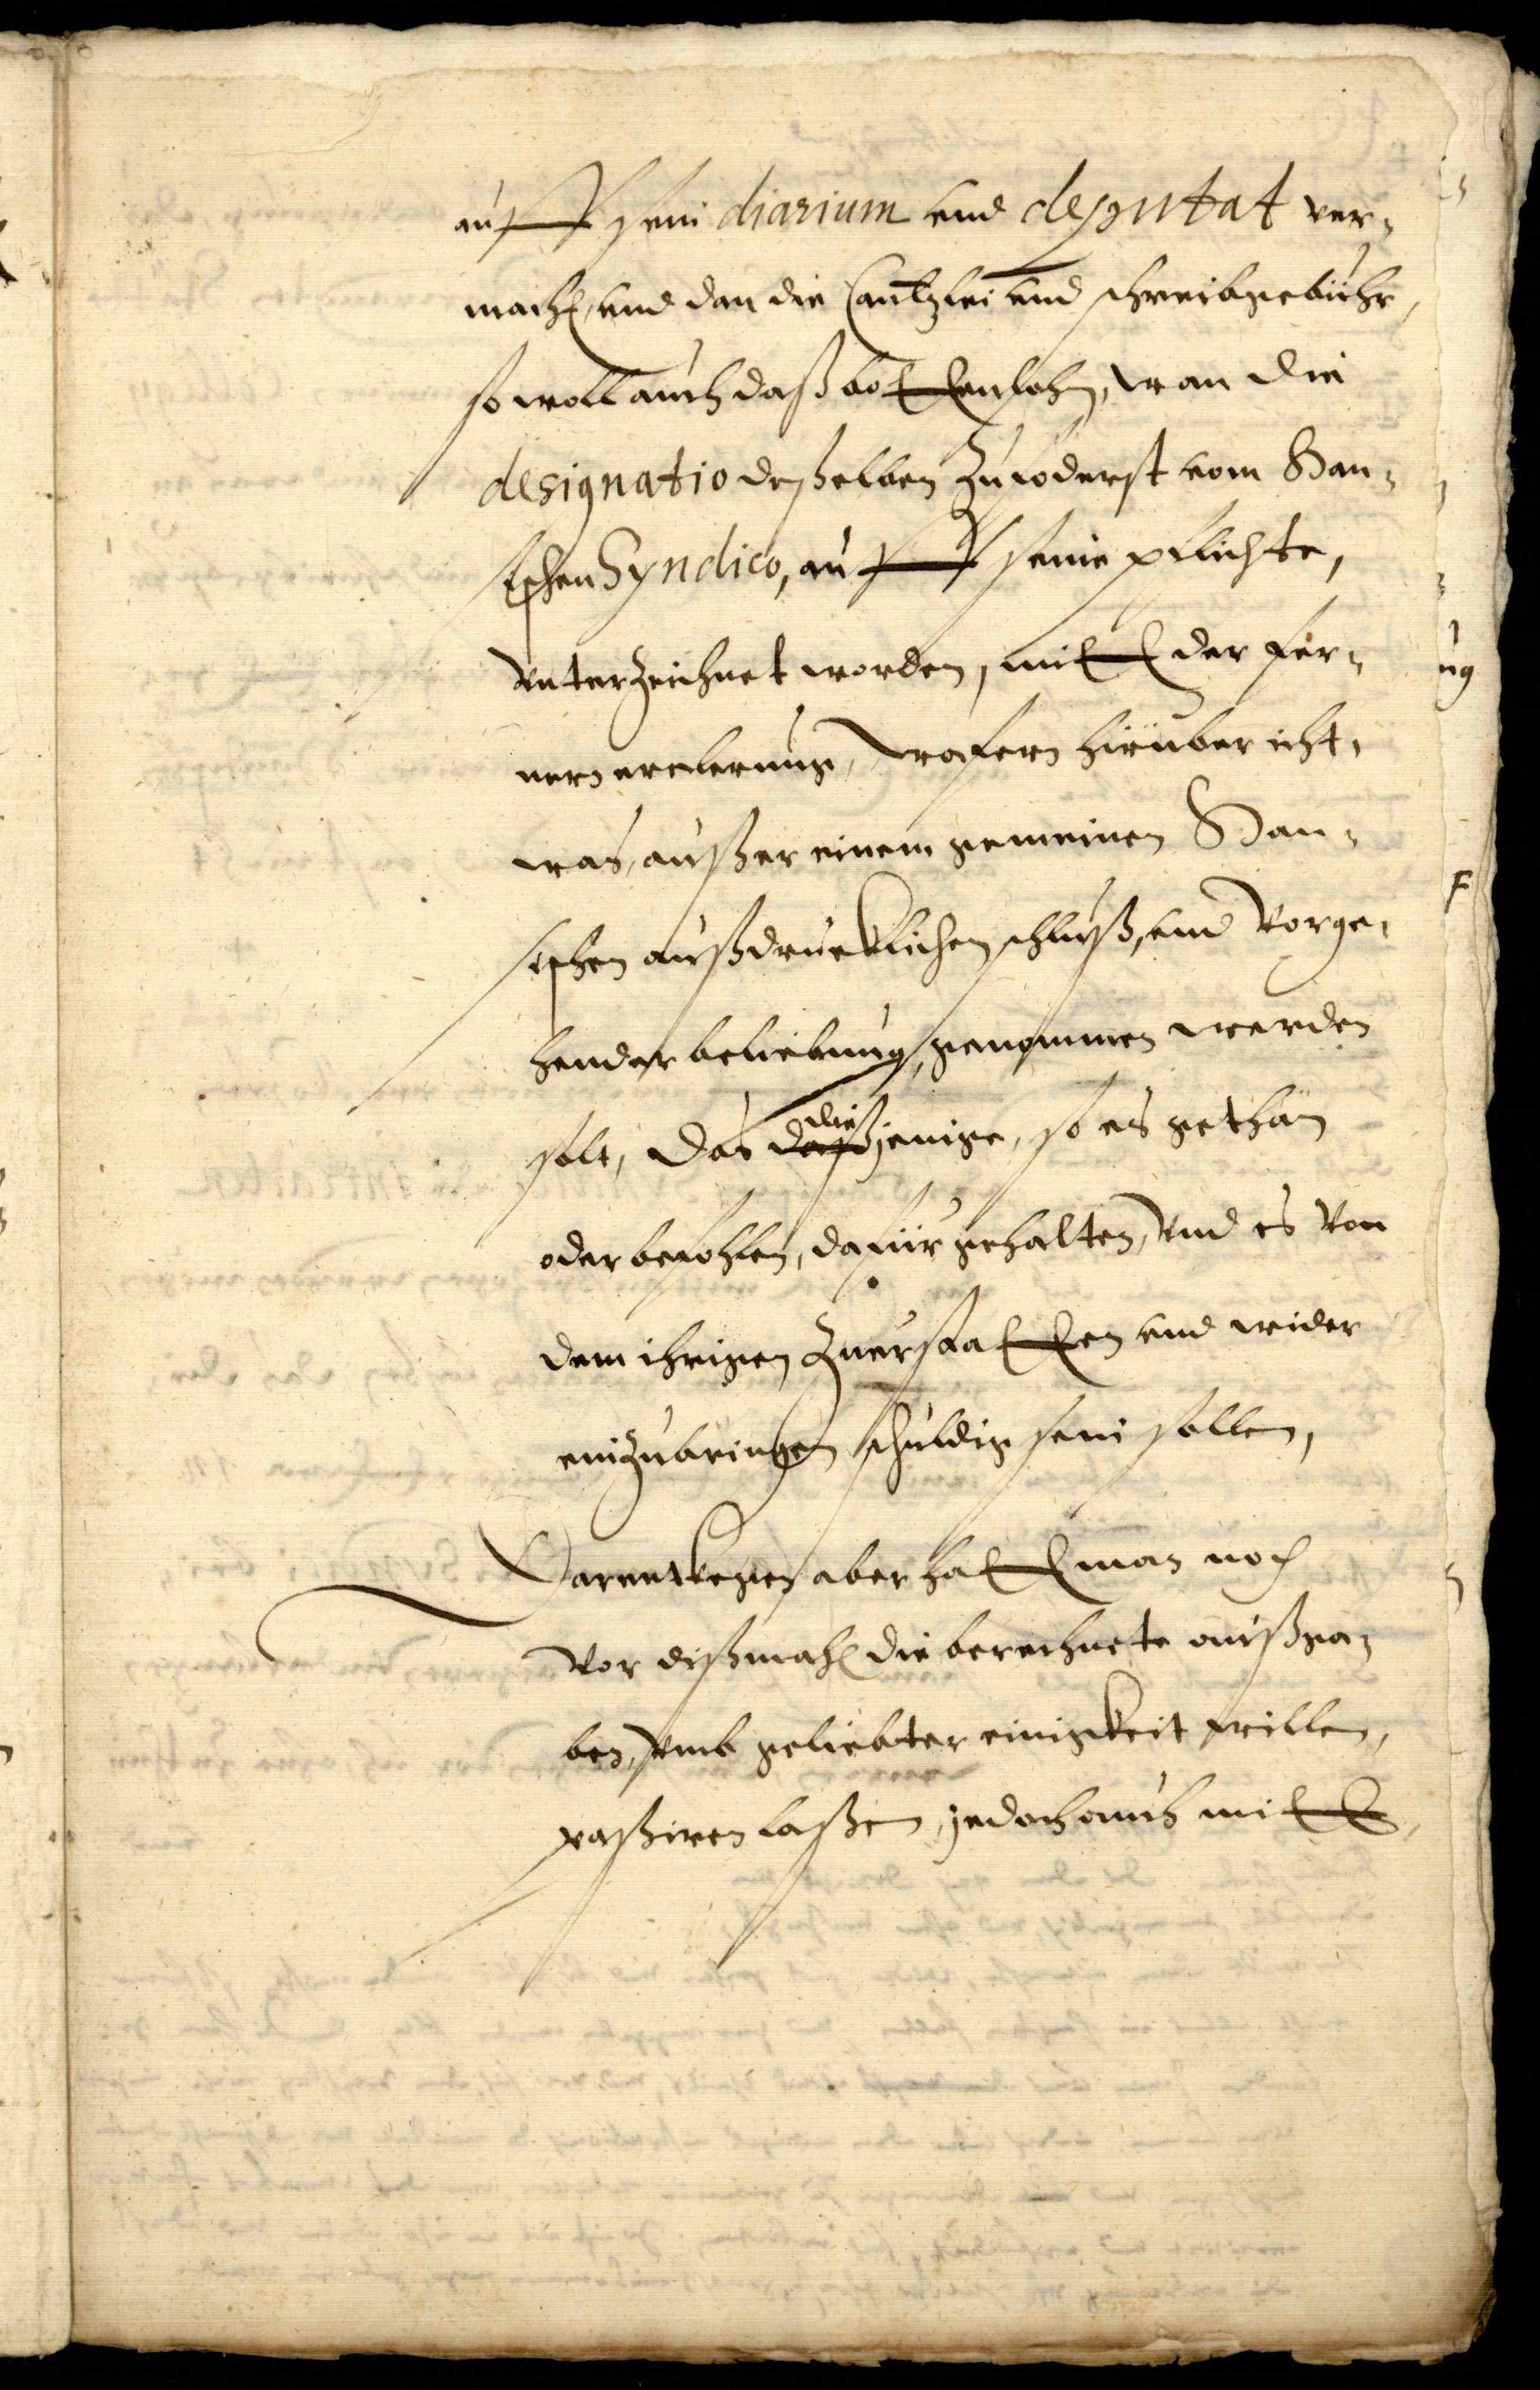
auff sein diarium vnd deputat ver¬
macht, vnd dan die Cantzlei vnd schreibgebühr,
so woll auch daß bottenlohn, wan die
designatio deßelben Zuforderst vom Han¬
sichen Syndico, auff seine pflichten,
VnterZeichnet worden, mitt der fer¬
nern erclerung, wofern hirüber icht¬
was, außer einem gemeinen Han¬
sischen außdrucklichen schluß, vnd Vorge¬
hender beliebung, genommen werden
die
solt, Das daßjenigen, so es gethan
oder befohlen, dafür gehalten, Vnd es Von
dem ihrigen Zuerstatten vnd wider
einZubringen schuldig sein sollen,
Darentkegen aber hatt man noch
Vor dißmahl die berechnete außga¬
ben, vmb geliebter einigkeit willen
paßiren laßen, jedoch auch mitt
